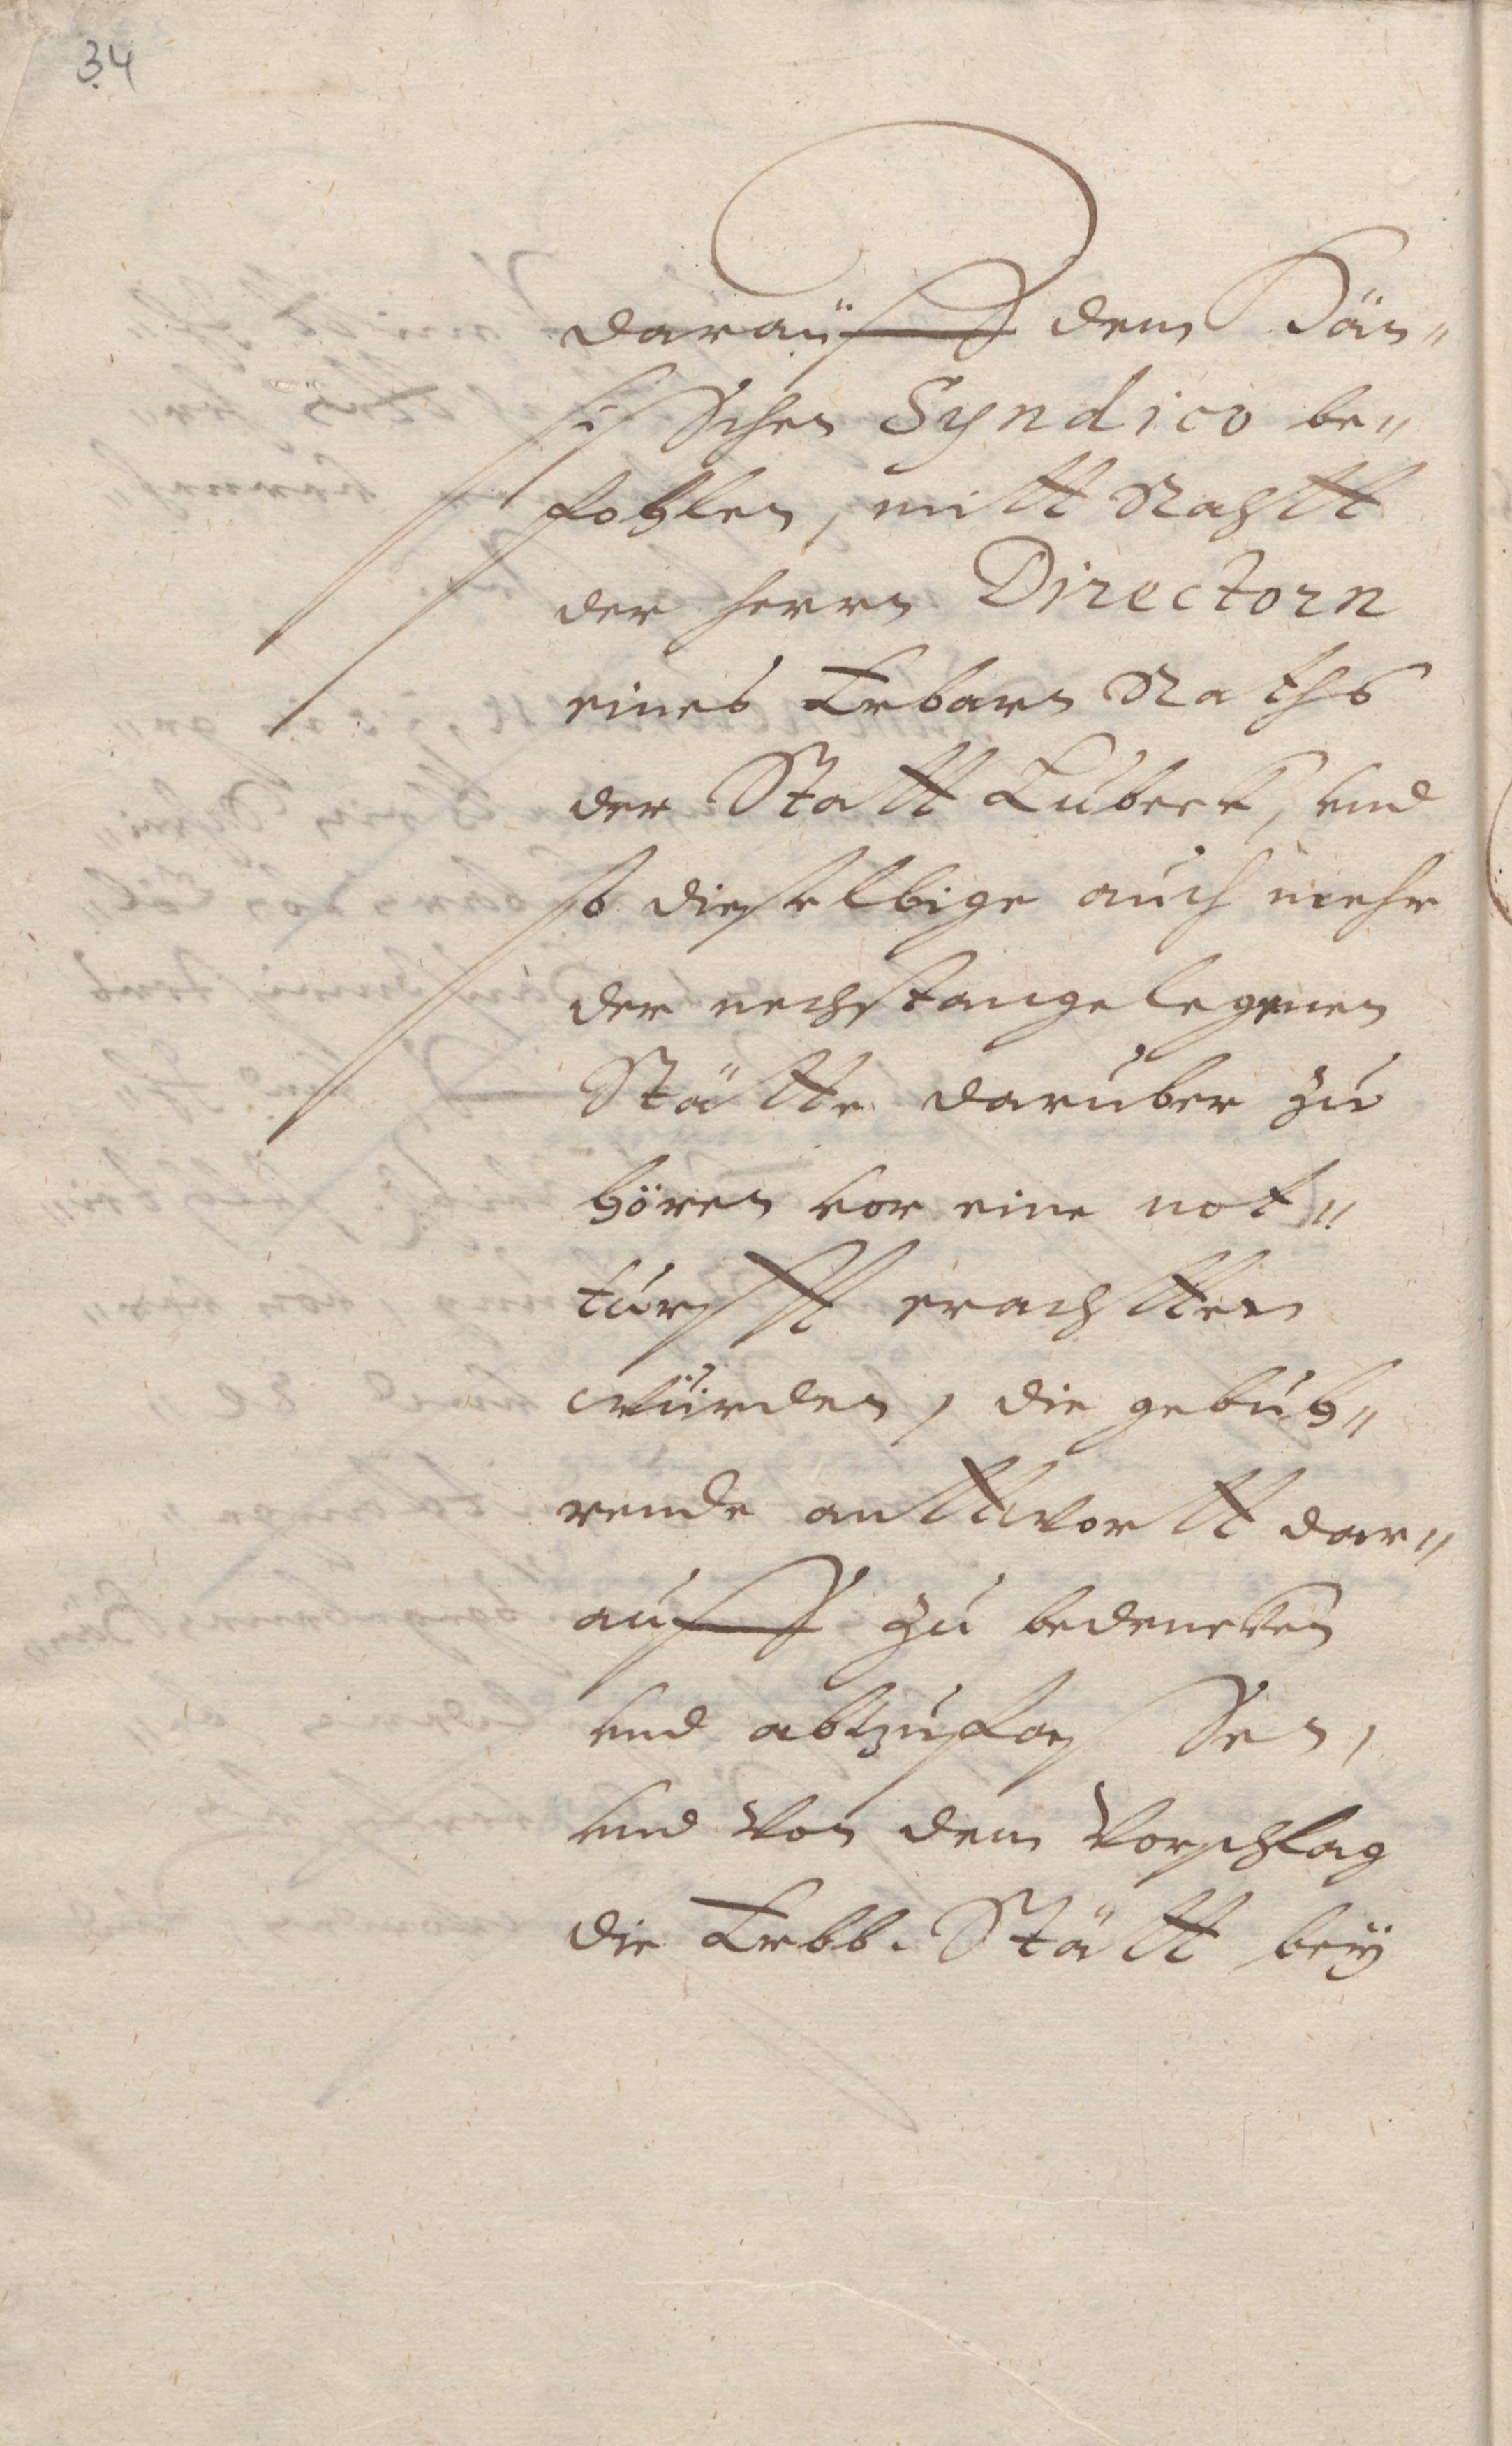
daraüff dem Hän¬
sischen Syndico be¬
fohlen, mitt Rahtt¬
der herrn Directorn
eines Erbarn Raths
der Statt Lubeck, vnd
so dieselbige auch mehr
der nechstangelegenen
Stätte daruber zu
hören vor eine nott¬
turftt erachtten
würden, die gebuh¬
rende antwortt dar¬
auff zu bedencken
vnd abtzufassen,
vnd von dem Vorschlag
die Erbb. Stätt beij
